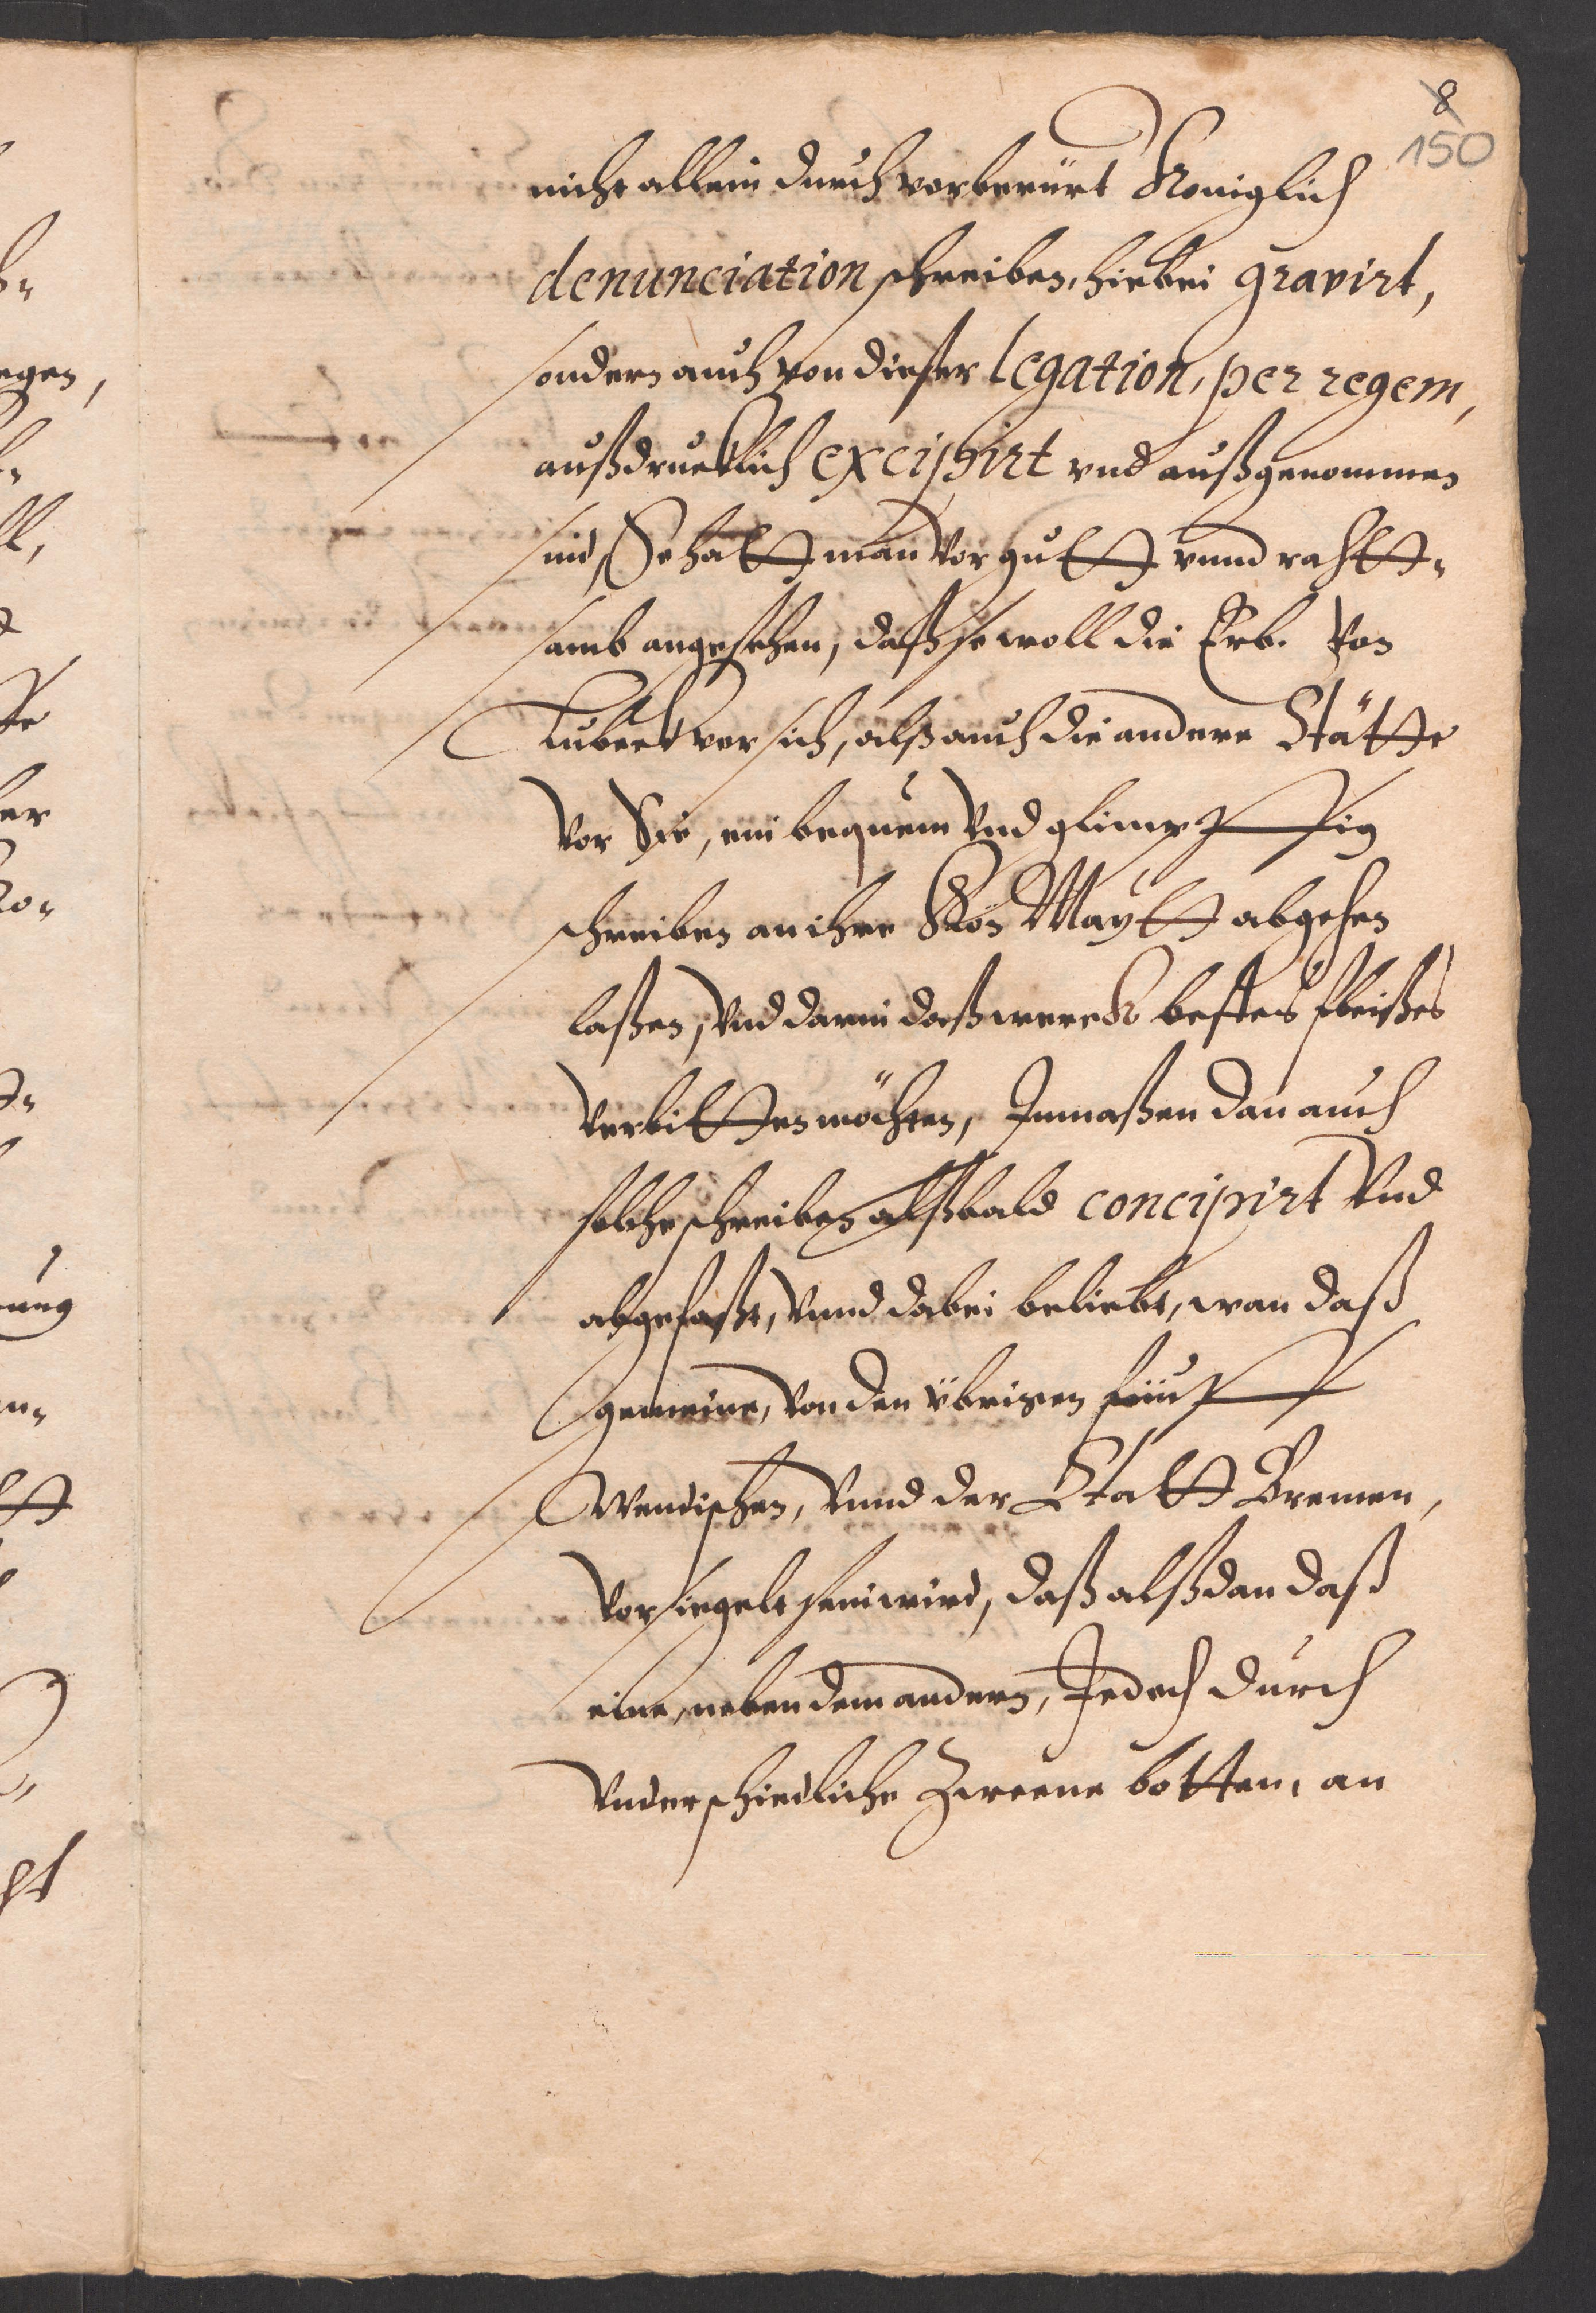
8
nicht allein durch vorberürt koniglich
denunciation schreiben, hiebei gravirt,
sondern auch von dieser legation, per regem,
außdrucklich excipirt vnd außgenommen
sind, So hatt man vor gutt vnnd rahtt¬
samb angesehen, daß sowoll die Erb. von
Lubeck vor sich, alß auch die andere Stätte
vor Sie, ein bequem vnd glimpffig
schreiben an ihre Kön Maytt abgehen
laßen, vnd darin daß werck bestes fleißes
verbitten möchten, Inmaßen dan auch
solche schreiben alßbald concipirt vnd
abgefaßt, vnd dabei beliebt, wan daß
gemeine, von den übrigen fünff
wendischen, vnnd der Statt Bremen,
versiegelt sein wird, daß alßdan daß
eine, neben dem andern, Jedoch durch
vnderschiedliche zweene botten, an
